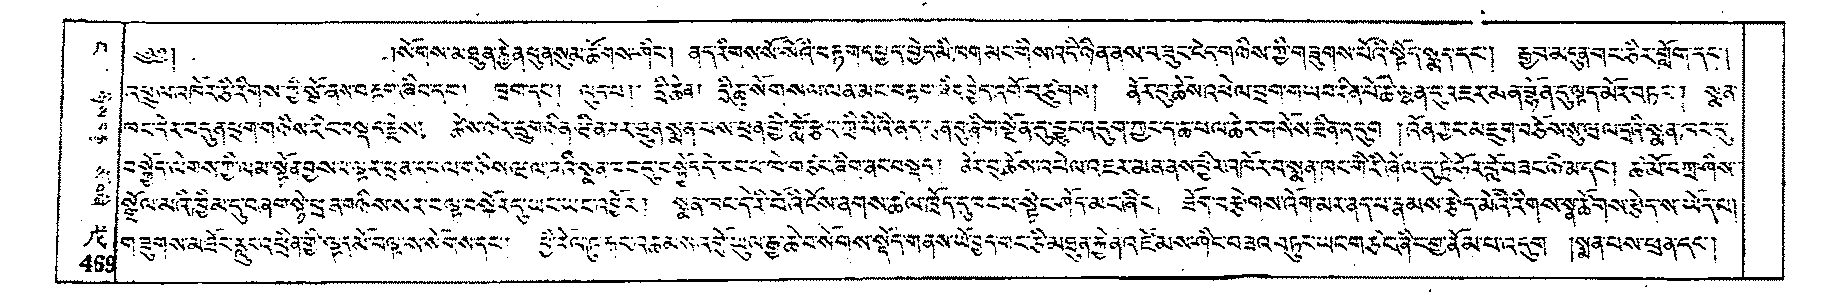༄༅། །སོགས་མཐུན་རྐྱེན་ཕུན་སུམ་ཚོགས་ཤིང་། ནད་རིགས་སོ་སོའི་བརྟག་དཔྱད་བྱེད་མི་ཁག་མང་གིས་འདི་ཉིན་ནས་བཟུང་ངེད་གཉིས་ཀྱི་གཟུགས་པོའི་སྟོད་སྨད་དང་། རྒྱབ་མདུན་གང་ཅིར་གློག་དང་།
འཕྲུལ་འཁོར་ཅི་རིགས་ཀྱི་སྒོ་ནས་བརྟག་ཞིབ་དང་། ཁྲག་དང་། ལུད་པ། དྲི་ཆེན། དྲི་ཆུ་སོགས་ལ་ལན་མང་བརྟག་ཞིབ་བྱེད་འགོ་བཙུགས། ནོར་བུ་ཆོས་འཕེལ་བྲག་གཡབ་རིན་པོ་ཆེ་ལྷན་དུ་འཇར་མན་བྷོན་དུ་ལྟད་མོར་བཏང་། སྨན་
ཁང་དེར་བདུན་ཕྲག་གཉིས་རིང་བསྡད་རྗེས། ཚེས་ཉེར་དྲུག་ཉིན་ཝིན་ཌར་ཐུན་སྨན་པས་ཕྲན་གྱི་གློ་རྩར་ཀྲི་པིའི་ནད་ཕྲན་བུ་ཞིག་སྔོན་དུ་བྱུང་འདུག་ཀྱང་ད་ཆ་ཕལ་ཆེར་གསོས་ཟིན་འདུག །འོན་ཀྱང་མཇུག་བཅོས་སུ་ཝལ་དྲའི་སྨན་ཁང་དུ་
བསྐྱོད་ལེགས་ཀྱི་ལམ་སྟོན་བྱས་པ་ལྟར་ཕྲན་དཔལ་གཉིས་ཝལ་ཌའི་སྨན་ཁང་དུ་བསྐྱོད་དེ་ཁང་པ་ཁེ་གཙང་ཞིག་ནང་བསྡད། ནོར་བུ་ཆོས་འཕེལ་འཇར་མན་ནས་ཕྱིར་འཁོར་བ་སྨན་ཁང་གི་རི་ཞོལ་དུ་ཏྲེ་ཧོར་བློ་བཟང་ཉི་མ་དང་། ཚ་མོ་བཀྲ་ཤིས་
སྒྲོལ་མའི་ཁྱིམ་དུ་བཞག་སྟེ་ཕྲན་གཉིས་སར་བལྟ་བསྐོར་དུ་ཡང་ཡང་འབྱོར། སྨན་ཁང་དེ་རི་བོའི་ངོས་ནགས་ཚལ་ཁྲོད་དུ་ཁང་པ་སྟེང་ཤོད་མང་ཞིང་། ཐོག་བརྩེགས་འོག་མར་ནད་པ་རྣམས་རྩེད་མོའི་རིགས་སྣ་ཚོགས་རྩེད་ས་ཡོད་པ།
གཟུགས་མཐོང་རླུང་འཕྲིན་གྱི་ལྟད་མོ་བལྟ་ས་སོགས་དང་། ཕྱི་རོལ་ཏུ་རྐང་འཆམས་འགྲོ་ཡུལ་རྒྱ་ཆེ་བ་སོགས་སྡོད་གནས་ཡོ་བྱད་གང་ཅི་མཐུན་རྐྱེན་འཛོམས་ཤིང་བཟའ་བཏུང་ཡང་གཙང་ཞིང་གྱ་ནོམ་པ་འདུག །སྨན་པས་ཕྲན་དང་།